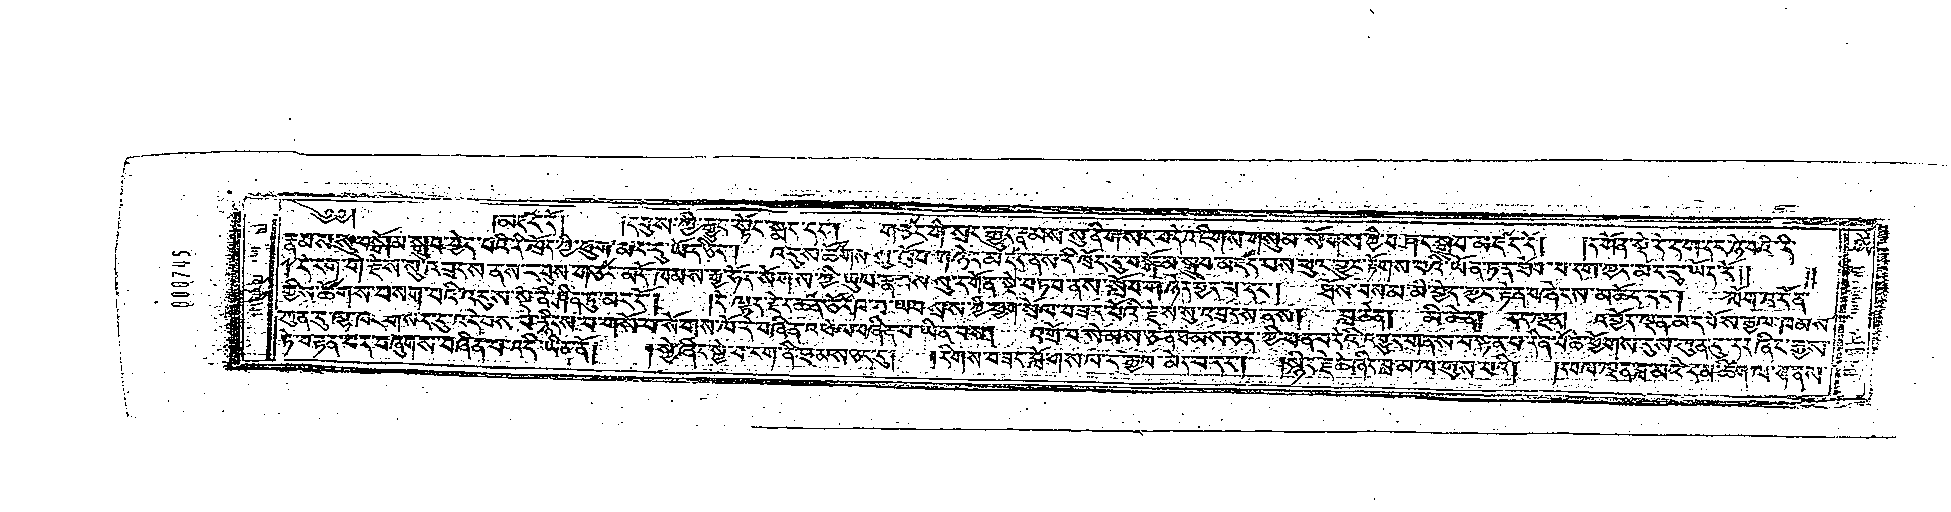༄༅། །མཛད་དོ། །དབུས་ཀྱི་རྒྱུད་སྟོང་སྨད་དང་། གཙང་གི་སྲང་རྒྱུད་རྣམས་སུ་ནི་གསང་བདེ་འཇིགས་གསུམ་སོགས་ཀྱི་བཤད་སྒྲུབ་མཛད་དོ། །དགོན་སྡེ་དེ་དག་དང་ཉེ་བའི་དི་
རྣམས་སུ་བསྒོམ་སྒྲུབ་བྱེད་པའི་རི་ཁྲོད་ཀྱི་ཕུག་མང་དུ་ཡོད་ཅིང་། འདུས་ཚོགས་སུ་སློབ་གཉེར་མཛད་ནས་རི་ཁྲོད་དུ་བསྒོམ་སྒྲུབ་མཛད་པས་ཕུལ་བྱུང་རྟོགས་པའི་ཡོན་ཏན་ཐོབ་པ་དག་ཀྱང་མང་དུ་ཡོད་དོ།། །།
༧་དེ་དག་གི་རྗེས་སུ་འབྲངས་ནས་དབུས་གཙང་མདོ་ཁམས་རྒྱ་ཧོར་སོགས་ཀྱི་ཡུལ་རྣམས་སུ་དགོན་སྡེ་བཏབ་ནས་སློབ་གཉེར་བྱེད་པ་དང་། ཐོས་བསམ་མི་བྱེད་ཀྱང་རྟེན་བཞེངས་མཆོད་དང་། ཀློག་འདོན་
གྱིས་ཚོགས་བསག་པའི་འདུས་སྡེ་ནི་ཤིན་ཏུ་མང་ངོ། །དེ་ལྟར་རྗེ་བཙུན་ཙོང་ཁ་པ་ཡབ་སྲས་ཀྱི་ཕྱག་སྲོལ་བཟང་པོའི་རྗེས་སུ་འབྲངས་ནས། བླ་ཆེན། མི་ཆེན། དད་ལྡན། འབྱོར་ལྡན་མང་པོས་རྒྱལ་ཁམས་
ཀུན་དུ་ལྷ་ཁང་གསང་དུ་འདེབས་བ་རྙིངས་པ་གསོ་བ་སོགས་ལོ་རེ་བཞིན་འཕེལ་བཞིན་པ་ཡིན་པས། འགྲོ་བ་སེམས་ཅན་ཐམས་ཅད་ཀྱི་ཕན་བདེའི་འབྱུང་གནས་བསྟན་པ་རིན་པོ་ཆེ་ཕྱོགས་དུས་ཀུན་དུ་དར་ཞིང་རྒྱས་
ཏེ་བརྟན་པར་བཞུགས་བཞིན་པ་འདི་ཡིན་ནོ། །སྐྱེ་ཞིང་སྐྱེ་བ་ངག་ནི་ཐམས་ཅད་དུ། །རིགས་བཟང་བློ་གསལ་ང་རྒྱལ་མེད་པ་དང་། །སྙིང་རྗེ་ཆེ་ཞིང་བླ་མ་ལ་གུས་པའི། །དཔལ་ལྡན་བླ་མའི་དམ་ཚིག་ལ་གནས་